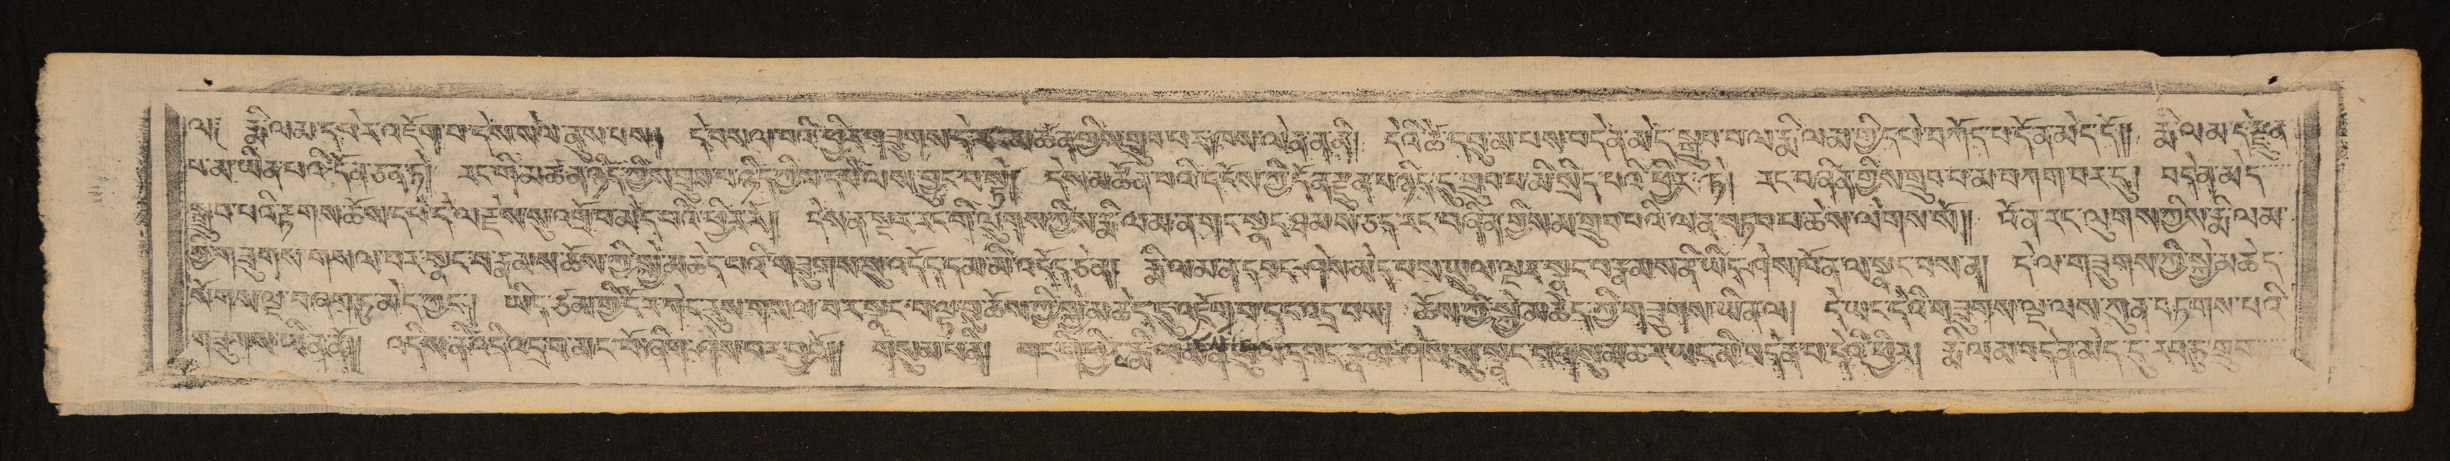ལ༑ རྨི་ལམ་དཔེར་འཇོག་པ་དེས་སེལ་ནུས་པས། དེ་བསལ་བའི་ཕྱིར་གཟུགས་དེ་རང་མཚན་གྱིས་གྲུབ་པར་ཁས་ལེན་ན་ནི། དེའི་ཚེ་དབུ་མ་པས་བདེན་མེད་སྒྲུབ་པ་ལ་རྨི་ལམ་གྱི་དཔེ་བཀོད་པ་དོན་མེད་དོ།། རྨི་ལམ་དེ་རྫུན་
པ་མ་ཡིན་པའི་དོན་ཅན་ཏེ། རང་གི་མཚན་ཉིད་ཀྱིས་གྲུབ་པ་ཉིད་ཀྱིས་དཔེ་ལས་བྱུང་བ་སྟེ། དེས་མཚོན་པའི་དངོས་ཀྱི་དོན་རྫུན་པ་ཉིད་དུ་གྲུབ་པ་མི་སྲིད་པའི་ཕྱིར་ཏེ། རང་བཞིན་གྱིས་གྲུབ་པ་མ་བཀག་བར་དུ། བདེན་མེད་
སྒྲུབ་པའི་རྟགས་ཆོས་དཔེ་དེ་ལ་རྗེས་སུ་འགྲོ་བ་མེད་པའི་ཕྱིར་རོ།། དེས་ན་སྔར་རང་གི་ལུགས་ཀྱི་རྨི་ལམ་ན་གང་སྣང་ཐམས་ཅད་རང་བཞིན་གྱིས་མ་གྲུབ་པའི་ལན་བཏབ་པ་ཆེས་ལེགས་སོ།། འོ་ན་རང་ལུགས་ཀྱིས་རྨི་ལམ་
གྱི་གཟུགས་གསལ་བར་སྣང་བ་རྣམས་ཆོས་ཀྱི་སྐྱེ་མཆེད་པའི་གཟུགས་སུ་འདོད་དམ་མི་འདོད་ཅེ་ན། རྨི་ལམ་ན་དབང་ཤེས་མེད་པས་ཡུལ་ལྔར་སྣང་བ་རྣམས་ནི་ཡིད་ཤེས་ཁོ་ན་ལ་སྣང་བས་ན། དེ་ལ་གཟུགས་ཀྱི་སྐྱེ་མཆེད་
སོགས་ལྔ་བཞག་ཏུ་མེད་ཀྱང་། ཡིད་ཙམ་གྱི་ངོར་ཀེང་རུས་གསལ་བར་སྣང་བ་ལྟ་བུ་ཆོས་ཀྱི་སྐྱེ་མཆེད་དུ་འཇོག་པ་དང་འདྲ་བས། ཆོས་ཀྱི་སྐྱེ་མཆེད་ཀྱི་གཟུགས་ཡིན་ལ། དེ་ཡང་དེའི་གཟུགས་ལྔ་ལས་ཀུན་བརྟགས་པའི་
གཟུགས་ཡིན་ནོ།། འདིས་ནི་འདི་འདྲ་བ་མང་པོ་ཞིག་ཤེས་པར་བྱའོ།། གསུམ་པ་ནི། གང་གི་ཕྱིར་རྨི་ལམ་ན་ཡུལ་དབང་རྣམ་ཤེས་སུ་སྣང་བ་གསུམ་ཆར་ཡང་མི་བདེན་པ་དེའི་ཕྱིར། རྨི་ལམ་བདེན་མེད་དུ་རབ་ཏུ་གྲུབ་